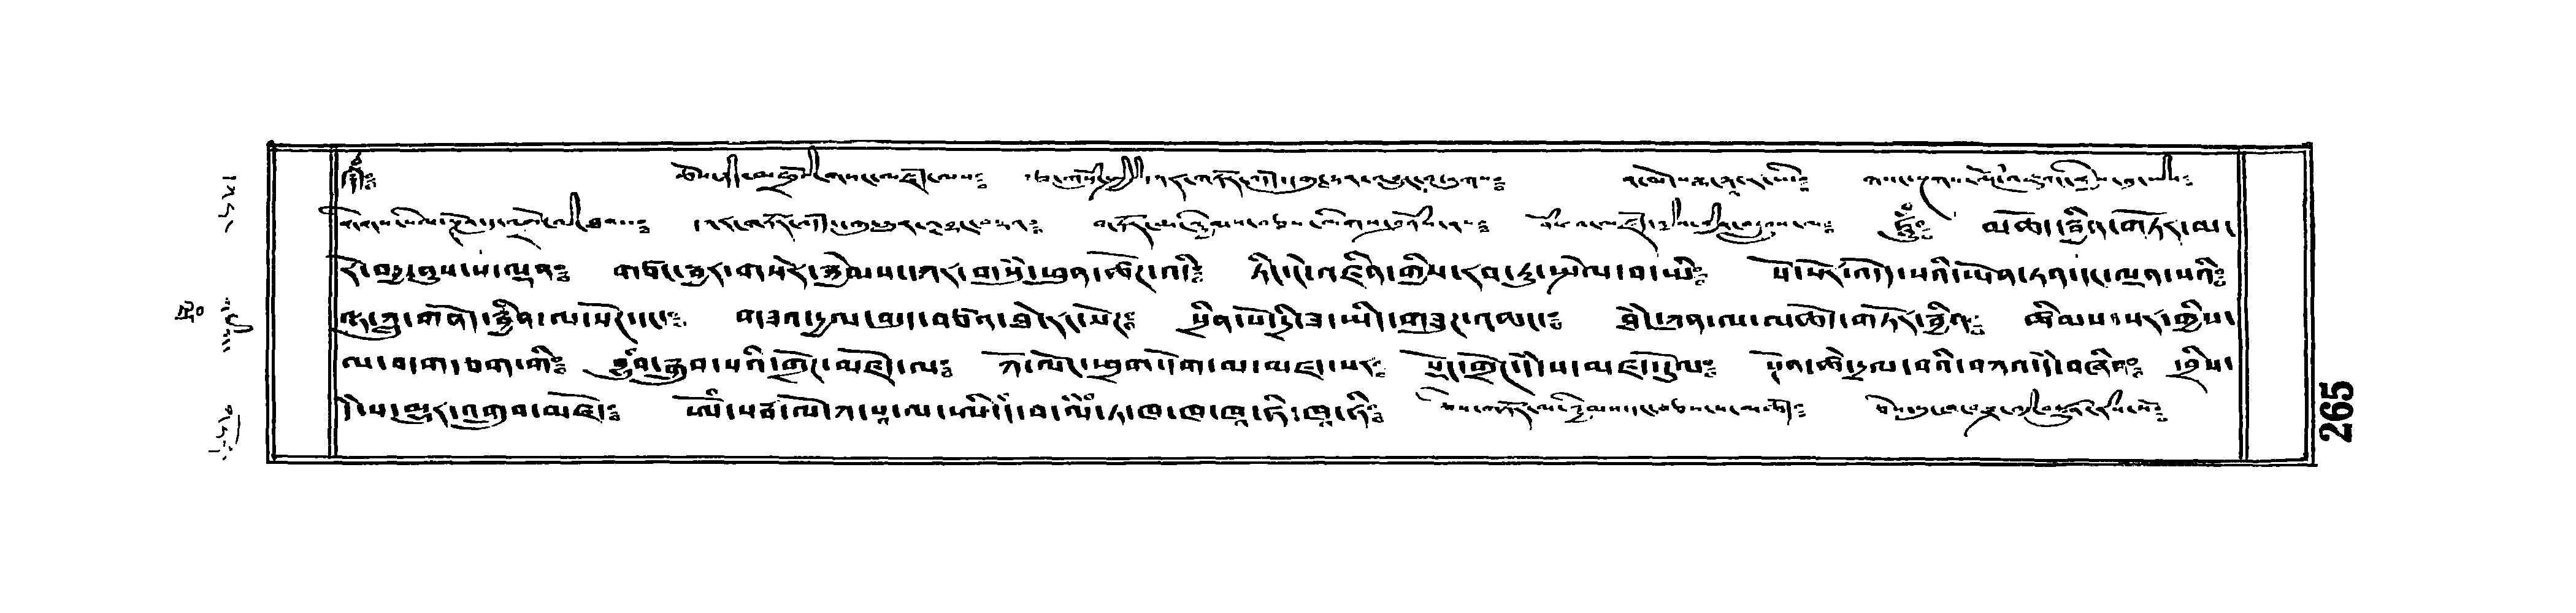ཆོས་ཉིད་མཁའ་འགྲོའི་གསང་མཛོད་ལས༔ རྩ་གསུམ་སྤྱིའི་དཀར་གཏོར་འདོད་དགུ་ཀུན་འབྱུང་བཞུགས༔ ན་མོ་པདྨ་ཀཱ་ར་ཡེ༔ གསང་སྔགས་ལམ་འཇུག་སྐྱེས་བུ་ཡིས༔ 
གེགས་སེལ་སྔོན་དུ་འགྲོ་བའི་ཐབས༔ དཀར་གཏོར་འདོད་དགུ་ཀུན་འབྱུང་བསྟན༔ གཏོར་མ་སྐྱེམས་བཅས་ལེགས་བཤམས་ནས༔ ནམ་མཁའ་མཛོད་ཀྱིས་བྱིན་བརླབས་ལ༔ ཧཱུྃ༔ མཆོད་སྦྱིན་གཏོར་མ་
རོ་བརྒྱ་ནུས་པ་ལྡན༔ གཙང་སྦྱར་གསེར་སྐྱེམས་དཀར་གསུམ་ཕུན་ཚོགས་འདི༔ ཏིང་ངེ་འཛིན་གྱིས་རབ་ཏུ་སྤེལ་བ་ཡི༔ སོ་སོར་འདོད་པའི་ཡོན་ཏན་དང་ལྡན་པའི༔ 
ལྷ་ཀླུ་གནོད་སྦྱིན་ལ་སོགས་དང༔ གཟའ་རྒྱལ་བདུད་བཙན་ཐེ་རང་སོགས༔ སྲིན་པོ་དྲི་ཟ་ཡིད་གཟུགས་འཆང༔ ཐམས་ཅད་ཀུན་ལ་མཆོད་གཏོར་སྦྱིན༔ ཚིམས་པར་གྱིས་
ལ་བདག་ཅག་གི༔ བྱང་ཆུབ་སྒྲུབ་པའི་གྲོགས་མཛོད་ལ༔ ཀོ་ལོང་ཕྲག་དོག་མ་མཛད་པར༔ སྡོང་གྲོགས་དམ་པ་མཛད་དུ་གསོལ༔ སྔོན་ཚེ་རྒྱལ་བའི་བཀའ་དམ་བཞིན༔ ཕྲིན་ལས་
དམ་པ་མྱུར་འགྲུབ་མཛོད༔ ཨོཾ་སརྦ་ལོ་ཀ་པཱ་ལ་ཨི་དཾ་བ་ལིཾ་ཏ་ཁ་ཁ་ཁཱ་ཧི་ཁཱ་ཧི༔ ཅེས་གཏོར་མ་སྐྱེམས་དང་བཅས་པ་མཆོད༔ ཅེས་སུ་ཁ་བཛྲ་གྱི་བརྫུན་རིས་སོ།།